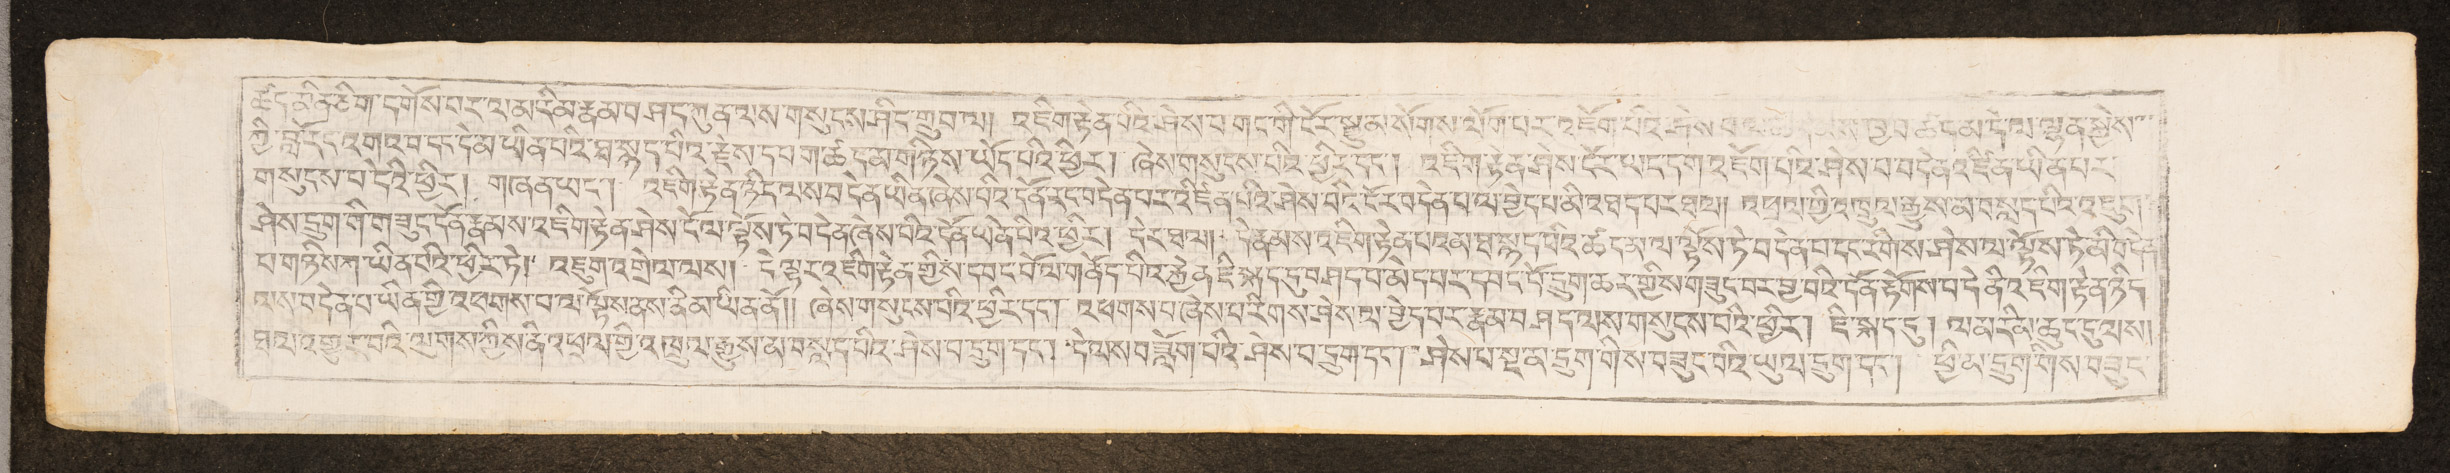ཚད་མིན་ཅིག་དགོས་པར་ལམ་རིམ་རྣམ་བཤད་ཀུན་ལས་གསུངས་ཤིང་གྲུབ་ལ། འཇིག་རྟེན་པའི་ཤེས་པ་གང་གི་ངོར་སྒྱུ་མ་སོགས་ལོག་པར་འཇོག་པའི་ཤེས་པ་ལ་ཚད་མས་ཁྱབ་ཚད་མ་དེ་ལ་ལྷན་སྐྱེས་
ཀྱི་བློ་རང་འགའ་བ་དང་དེ་མ་ཡིན་པའི་ཐ་སྙད་པའི་རྗེས་དཔག་ཚད་མ་གཉིས་ཡོད་པའི་ཕྱིར། ཞེས་གསུངས་པའི་ཕྱིར་དང་། འཇིག་རྟེན་ཤེས་ངོར་ཡང་དག་འཇོག་པའི་ཤེས་པ་བདེན་འཛིན་ཡིན་པར་
གསུངས་པ་དེའི་ཕྱིར། གཞན་ཡང་། འཇིག་རྟེན་ཉིད་ལས་བདེན་ཡིན་ཞེས་པའི་དོན་རང་བདེན་པར་འཛིན་པའི་ཤེས་པའི་ངོར་བདེན་པ་ལ་བྱེད་པ་མི་འཐད་པར་ཐལ། འཕྲལ་གྱི་འཁྲུལ་རྒྱུས་མ་བསླད་པའི་འཇུག་
ཤེས་དྲུག་གི་གཟུང་དོན་རྣམས་འཇིག་རྟེན་ཤེས་ངོ་ལ་ལྟོས་ཏེ་བདེན་ཞེས་པའི་དོན་ཡིན་པའི་ཕྱིར། དེར་ཐལ། དེ་རྣམས་འཇིག་རྟེན་པའམ་ཐ་སྙད་པའི་ཚད་མ་ལ་ལྟོས་ཏེ་བདེན་པ་དང་རིགས་ཤེས་ལ་ལྟོས་ཏེ་མི་བདེན་
པ་གཉིས་ཀ་ཡིན་བའི་ཕྱིར་ཏེ། འཇུག་འགྲེལ་ལས། དེ་ལྟར་འཇིག་རྟེན་གྱིས་དབང་པོ་ལ་གནོད་པའི་རྐྱེན་ཇི་སྐད་དུ་བཤད་པ་མེད་པར་དབང་པོ་དྲུག་ཆར་གྱིས་གཟུང་བར་བྱ་བའི་དོན་རྟོགས་པ་དེ་ནི་འཇིག་རྟེན་ཉིད་
ལས་བདེན་པ་ཡིན་གྱི་འཕགས་པ་ལ་ལྟོས་ནས་ནི་མ་ཡིན་ནོ། །ཞེས་གསུངས་པའི་ཕྱིར་དང་། འཕགས་པ་ཞེས་པ་རིགས་ཤེས་ལ་བྱེད་པར་རྣམ་བཤད་ལས་གསུངས་པའི་ཕྱིར། ཇི་སྐད་དུ། ལམ་རིམ་ཆུང་ངུ་ལས།
ཐལ་འགྱུར་བའི་ལུགས་ཀྱིས་ནི་འཕྲལ་གྱི་འཁྲུལ་རྒྱུས་མ་བསླད་པའི་ཤེས་པ་དྲུག་དང་། ཏེ་ལས་བཟློག་པའི་ཤེས་པ་དྲུག་དང་། ཤེས་པ་སྔ་མ་དྲུག་གིས་བཟུང་བའི་ཡུལ་དྲུག་དང་། ཕྱི་མ་དྲུག་གིས་གཟུང་